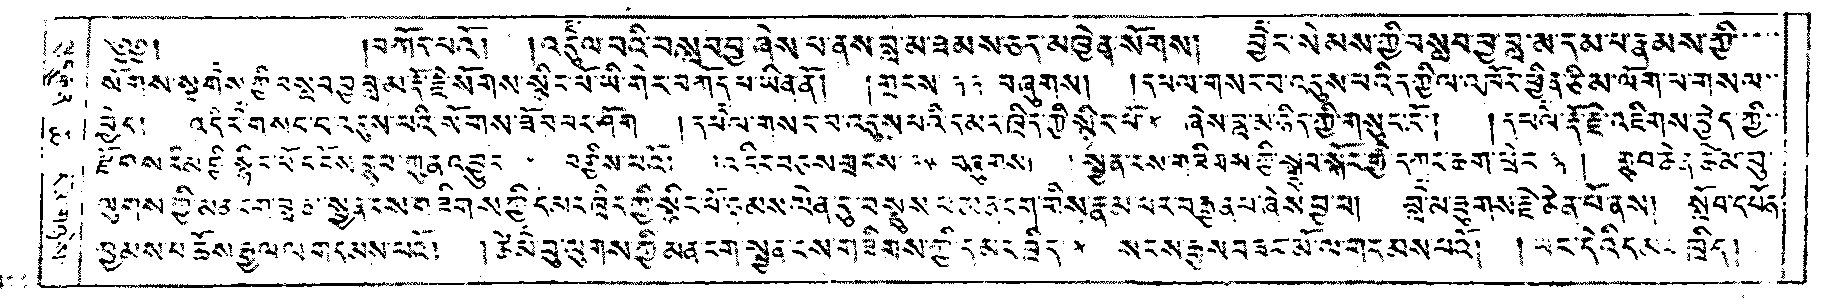༄༅། །བཀོད་པའོ། །འདུལ་བའི་བསླབ་བྱ་ཞེས་པ་ནས་བླ་མ་ཐམས་ཅད་མཁྱེན་སོགས། བྱང་སེམས་ཀྱི་བསླབ་བྱ་བླ་མ་དམ་པ་རྣམས་ཀྱི་
སོགས་སྔགས་ཀྱི་བསླབ་བྱ་བླ་མ་རྡོ་རྗེ་སོགས་སྙིང་པོ་གེར་བཀོད་པ་ཡིན་ནོ། །གྲངས ༢༢་བཞུགས། དམལ་གསར་བ་འདུས་པའི་དཀྱིལ་འཁོར་ཕྱིན་ཅི་མ་ལོག་པ་གསལ་
བྱེད། འདིར་གསང་བ་འདུས་པའི་སོགས་ཐོབ་པ་ཤོག །དཔལ་གསང་བ་འདུས་པའི་དམར་ཁྲིད་ཀྱི་སྙིང་པོ། ཞེས་བླ་མ་ཉིད་ཀྱི་གསུང་རོ། །དཔལ་རྡོ་རྗེ་འཇིགས་བྱེད་ཀྱི་
རྫོགས་རིམ་གྱི་སྙིང་པོ་དངོས་གྲུབ་ཀུན་འབྱུང་། བགྱིས་པའོ། །འདིར་བཅས་གྲངས ༢༤་བཞུགས། །སྤྱན་རས་གཟིགས་ཀྱི་སྒྲུབ་སྐོར་དཀར་ཆག་ཕྲེང ༣། གྲུབ་ཆེན་ཚེམ་བུ་
ལུགས་ཀྱི་མན་ངག་བླ་མ་སྤྱན་རས་གཟིགས་ཀྱི་དམར་ཁྲིད་ཀྱི་སྙིང་པོ་ཉམས་ལེན་དུ་བསྡུས་པ་མན་ངག་གིས་རྣམ་པར་བརྒྱན་པ་ཞེས་བྱ་བ། བླ་མ་ཐུགས་རྗེ་ཆེན་པོ་ནས། སློབ་དཔོན་
བྱམས་པ་ཆོས་རྒྱལ་ལ་གདམས་བའོ། །ཚེམ་བུ་ལུགས་ཀྱི་མན་ངག་སྤྱན་རས་གཟིགས་ཀྱི་དམར་ཁྲིད། ༥་སངས་རྒྱས་བཟང་མོ་ལ་གདམས་པའོ། །ཡང་དེའི་དར་ཁྲིད།